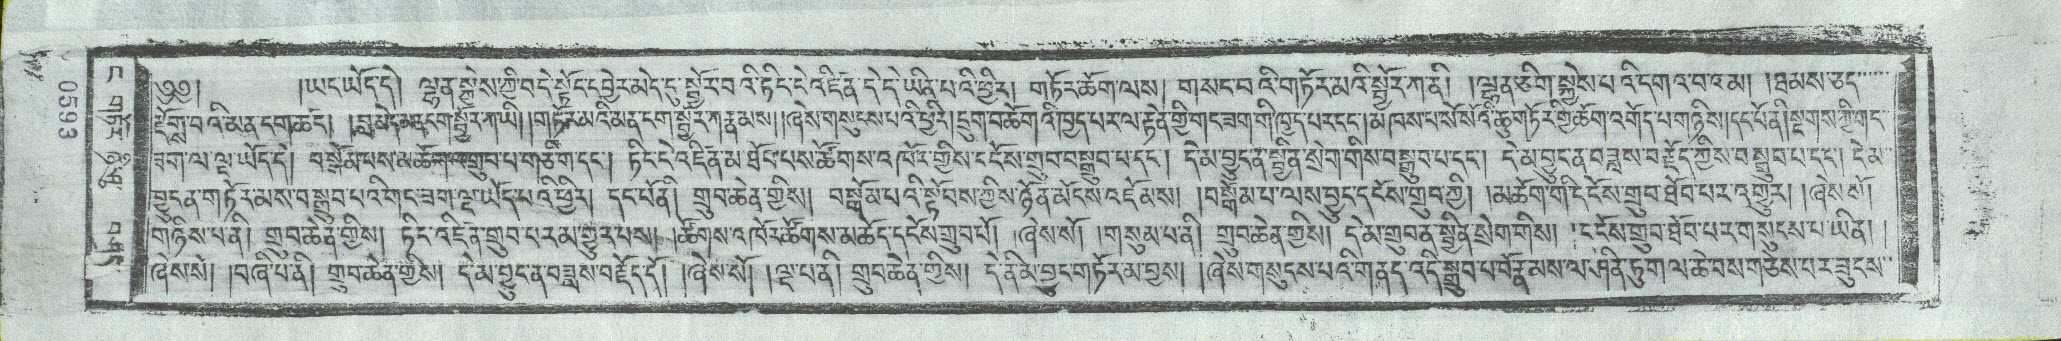༄༅། །ཡང་ཡོད་དེ། ལྷན་སྐྱེས་ཀྱི་བདེ་སྟོང་དབྱེར་མེད་དུ་སྦྱོར་བའི་ཏིང་ངེ་འཛིན་དེ་དེ་ཡིན་པའི་ཕྱིར། གཏོར་ཆོག་ལས། གསང་བའི་གཏོར་མའི་སྦྱོར་ཀ་ནི། །ལྷན་ཅིག་སྐྱེས་པའི་དགའ་བ་འམ། །ཐམས་ཅད་
རྡོགས་བའི་མན་དག་ཚང་། །བླ་མེད་མན་ངག་སྦྱོར་ཀ་ཡི། །གཏོར་མའི་མན་ངག་སྦྱོར་ཀ་རྣམས། །ཞེས་གསུངས་པའི་ཕྱིར། དྲུག་བ་ཆོ་གའི་ཁྱད་པར་ལ་རྟེན་གྱི་གང་ཟག་གི་ཁྱད་པར་དང་། མཁས་པ་སོ་སོའི་ཆུ་གཏོར་གྱི་ཆོག་འགོད་པ་གཉིས། དང་པོ་ནི་སྔགས་ཀྱི་གང་
ཟག་ལ་ལྔ་ཡོད་དེ། བསྒོམ་པས་མཆོག་འགྲུབ་པ་གཅིག་དང་། ཏིང་ངེ་འཛིན་མ་ཐོབ་པས་ཚོགས་འཁོར་གྱིས་དངོས་གྲུབ་བསྒྲུབ་པ་དང་། དེ་མ་བྱུང་ན་སྦྱིན་སྲེག་གིས་བསྒྲུབ་པ་དང་། དེ་མ་བྱུང་ན་བཟླས་བརྗོད་ཀྱིས་བསྒྲུབ་པ་དང་། དེ་མ་
བྱུང་ན་གཏོར་མས་བསྒྲུབ་པའི་གང་ཟག་ལྔ་ཡོད་པའི་ཕྱིར། དང་པོ་ནི། གྲུབ་ཆེན་གྱིས། བསྒོམ་པའི་སྟོབས་ཀྱིས་ཉོན་མོངས་འཛོམས། །བསྒོམ་པ་ལས་བྱུང་དངོས་གྲུབ་ཀྱི། །མཆོག་གི་དངོས་གྲུབ་ཐོབ་པར་འགྱུར། །ཞེས་སོ།
གཉིས་པ་ནི། གྲུབ་ཆེན་གྱིས། ཏིང་འཛིན་གྲུབ་པར་མ་གྱུར་པས། །ཚོགས་འཁོར་ཚོགས་མཆོད་དངོས་གྲུབ་པོ། །ཞེས་སོ། །གསུམ་པ་ནི། གྲུབ་ཆེན་གྱིས། དེ་མ་གྲུབ་ན་སྦྱིན་སྲེག་གིས། །དངོས་གྲུབ་ཐོབ་པར་གསུངས་པ་ཡིན། །
ཞེས་སོ། །བཞི་པ་ནི། གྲུབ་ཆེན་གྱིས། དེ་མ་བྱུང་ན་བཟླས་བརྗོད་དོ། །ཞེས་སོ། །ལྔ་པ་ནི། གྲུབ་ཆེན་གྱིས། དེ་ནི་མ་བྱུང་གཏོར་མ་བྱས། །ཞེས་གསུངས་པའི་གནད་འདི་སྒྲུབ་པ་བོ་རྣམས་ལ་ཤིན་ཏུ་གལ་ཆེ་བས་གཅེས་པར་ཟུངས་